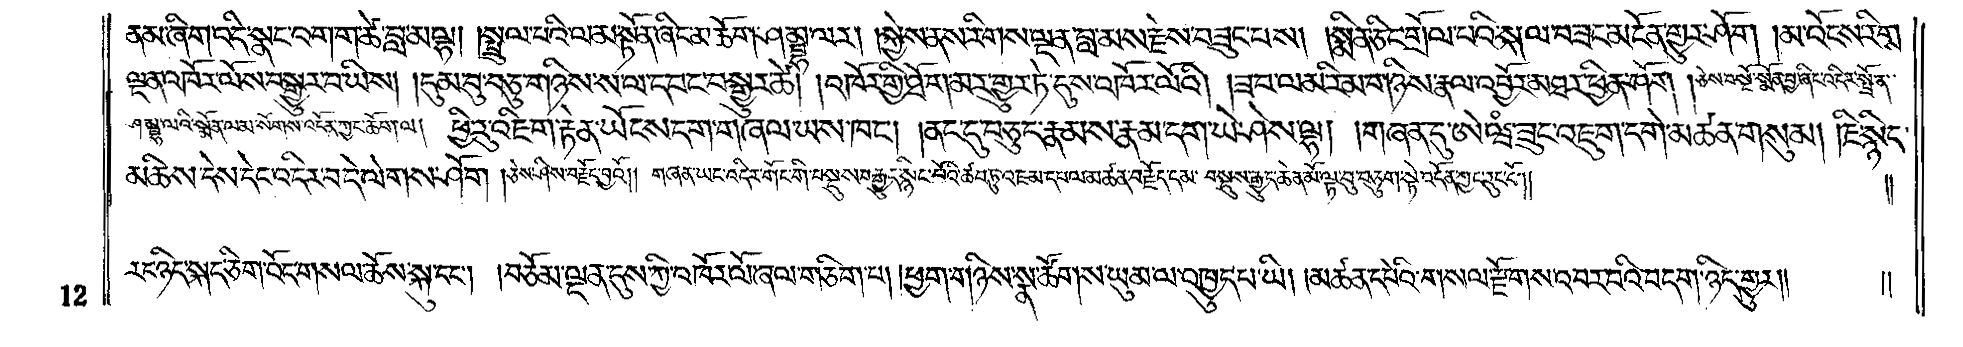ནམ་ཞིག་འདི་སྣང་འགག་ཚེ་བླ་མ་ལྷ། །སྤྲུལ་པའི་ལམ་སྟོན་ཞིང་མཆོག་ཤམྦྷ་ལར། །སྐྱེས་ནས་རིགས་ལྡན་བླ་མས་རྗེས་བཟུང་པས། །སྨིན་ཅིང་གྲོལ་པའི་སྐལ་བཟང་མངོན་གྱུར་ཤོག །མ་འོངས་རིགས་
ལྡན་འཁོར་ལོས་བསྒྱུར་བ་ཡིས། །དུམ་བུ་བཅུ་གཉིས་ས་ལ་དབང་བསྒྱུར་ཚེ། །འཁོར་གྱི་ཐོག་མར་གྱུར་ཏེ་དུས་འཁོར་ལོའི། །ཟབ་ལམ་རིམ་གཉིས་རྣལ་འབྱོར་མཐར་ཕྱིན་ཤོག །ཅེས་བསྔོ་སྨོན་བྱ་ཞིང་འདིར་སྤྲོ་ན་
ཤམྦྷ་ལའི་སྨོན་ལམ་སོགས་འདོན་ཀྱང་ཆོག་ལ། ཕྱི་རུ་འཇིག་རྟེན་ཡོངས་དག་གཞལ་ཡས་ཁང་། །ནང་དུ་བཅུད་རྣམས་རྣམ་དག་ཡེ་ཤེས་ལྷ། །གཞན་དུ་ཨེ་ཝཾ་ཟུང་འཇུག་དགེ་མཚན་གསུམ། །ཇི་སྙིང་
མཆིས་དེས་དེང་འདིར་བདེ་ལེགས་ཤོག་།ཅེས་ཤིས་བརྗོད་བྱའོ།། གཞན་ཡང་འདིར་གོང་གི་བསྡུས་བརྒྱུད་སྙིང་པོའི་ཚབ་ཏུ་འཇམ་དཔལ་མཚན་བརྗོད་དམ་བསྡུས་རྒྱུད་ཆེན་མོ་ལྟ་བུ་བཅུག་སྟེ་འདོན་ཀྱང་རུང་ངོ།།  །།
རང་ཉིད་སྐད་ཅིག་འོད་གསལ་ཆོས་སྐུ་དང་། །བཅོམ་ལྡན་དུས་ཀྱི་འཁོར་ལོ་ཞལ་གཅིག་པ། །ཕྱག་གཉིས་སྣ་ཚོགས་ཡུམ་ལ་འཁྱུད་པ་ཡི། །མཚན་དཔེའི་གསལ་རྫོགས་འབར་བའི་བདག་ཉིད་གྱུར།། །།